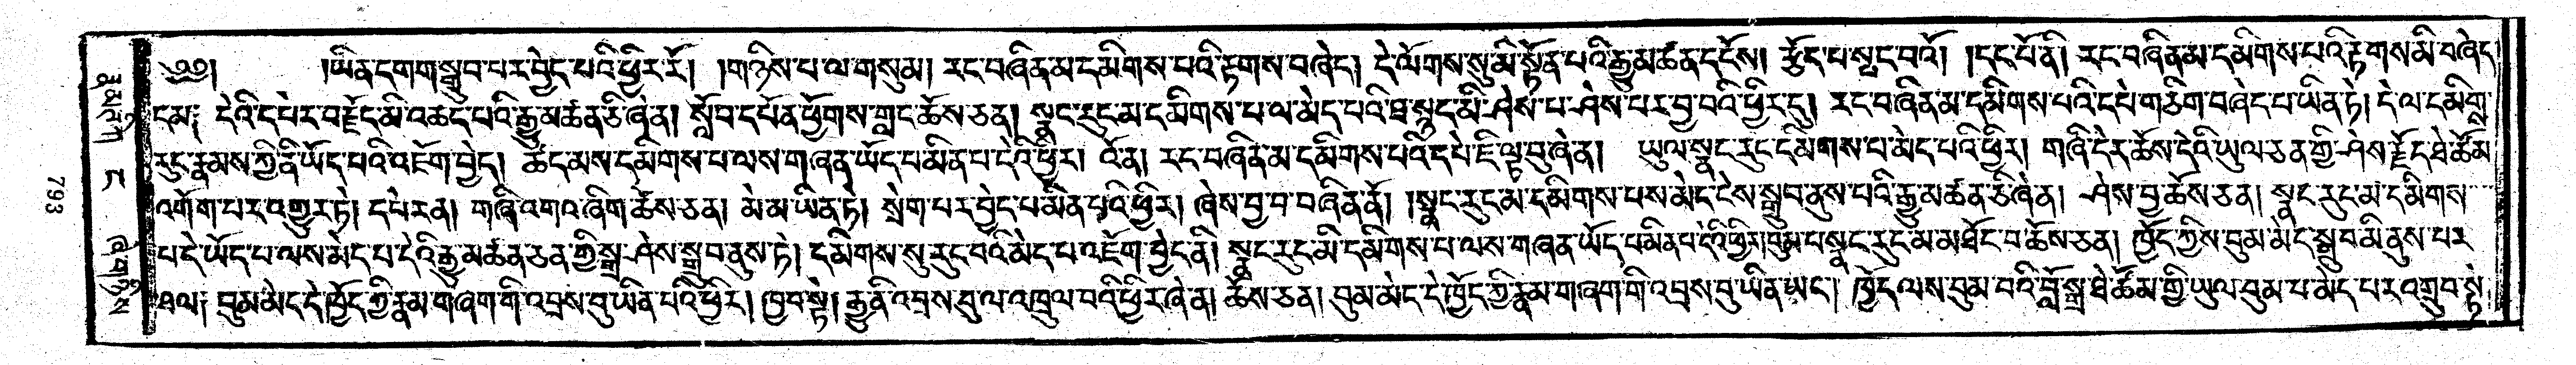༄༅། །ཡིན་དགག་སྒྲུབ་པར་བྱེད་པའི་ཕྱིར་རོ། །གཉིས་པ་ལ་གསུམ། རང་བཞིན་མ་དམིགས་པའི་རྟགས་བཞེད། དེ་ལོགས་སུ་མི་སྟོན་པའི་རྒྱུ་མཚན་དངོས། རྩོད་པ་སྤང་བའོ། །དང་པོ་ནི། རང་བཞིན་མ་དམིགས་པའི་རྟགས་མི་བཞེད་
དམ༑ དེའི་དཔེར་བརྗོད་མི་འཆད་པའི་རྒྱུ་མཚན་ཅི་ཞེ་ན། སློབ་དཔོན་ཕྱོགས་གླང་ཆོས་ཅན། སྣང་རུང་མ་དམིགས་པ་ལ་མེད་པའི་ཐ་སྙད་མི་ཤེས་པ་ཤེས་པར་བྱ་བའི་ཕྱིར་དུ། རང་བཞིན་མ་དམིགས་པའི་དཔེ་གཅིག་བཞེད་པ་ཡིན་ཏེ། དེ་ལ་དམིགས་
རུང་རྣམས་ཀྱི་ནི་ཡོད་པའི་འཇོག་བྱེད། ཚད་མས་དམིགས་པ་ལས་གཞན་ཡོད་པ་མིན་པ་དེའི་ཕྱིར། འོ་ན། རང་བཞིན་མ་དམིགས་པའི་དཔེ་ཇི་ལྟ་བུ་ཞེ་ན། ཡུལ་སྣང་རུང་དམིགས་པ་མེད་པའི་ཕྱིར། གཞི་དེར་ཆོས་དེའི་ཡུལ་ཅན་གྱི་ཤེས་རྗོད་ཐེ་ཚོམ་
འགོག་པར་འགྱུར་ཏེ། དཔེར་ན། གཞི་འགའ་ཞིག་ཆོས་ཅན། མེ་མ་ཡིན་ཏེ། སྲེག་པར་བྱེད་པ་མིན་པའི་ཕྱིར། ཞེས་བྱ་བ་བཞིན་ནོ། །སྣང་རུང་མ་དམིགས་པས་མེད་ངེས་སྒྲུབ་ནུས་པའི་རྒྱུ་མཚན་ཅི་ཞེ་ན། ཤེས་བྱ་ཆོས་ཅན། སྣང་རུང་མ་དམིགས་
པ་དེ་ཡོད་པ་ལས་མེད་པ་དེའི་རྒྱུ་མཚན་ཅན་གྱི་སྒྲ་ཤེས་སྒྲུབ་ནུས་ཏེ། དམིགས་སུ་རུང་བའི་མེད་པ་འཇོག་བྱེད་ནི། སྣང་རུང་མི་དམིགས་པ་ལས་གཞན་ཡོད་པ་མིན་པ་དེའི་ཕྱིར། བུམ་པ་སྣང་རུང་མ་མཐོང་བ་ཆོས་ཅན། ཁྱོད་ཀྱིས་བུམ་མེད་སྒྲུབ་མི་ནུས་པར་
ཐལ༑ བུམ་མེད་དེ་ཁྱོད་ཀྱི་རྣམ་གཞག་གི་འབྲས་བུ་ཡིན་པའི་ཕྱིར། ཁྱབ་སྟེ། རྒྱུ་ནི་འབྲས་བུ་ལ་འཁྲུལ་བའི་ཕྱིར་ཞེ་ན། ཆོས་ཅན། བུམ་མེད་དེ་ཁྱོད་ཀྱི་རྣམ་གཞག་གི་འབྲས་བུ་ཡིན་ཡང་། ཁྱོད་ལས་བུམ་པའི་བློ་སྒྲ་ཐེ་ཚོམ་གྱི་ཡུལ་བུམ་པ་མེད་པར་འགྲུབ་སྟེ།